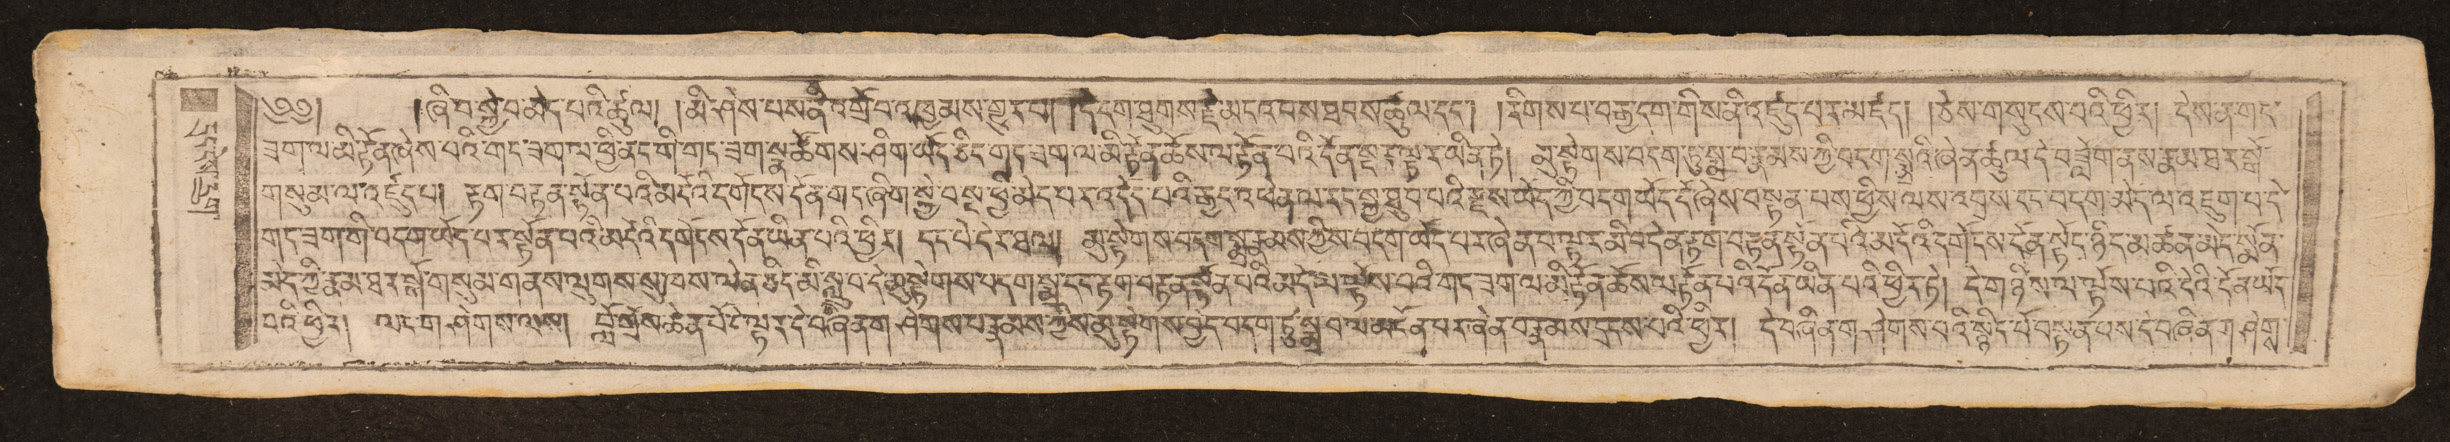༄༅། །ཞི་བ་སྐྱེ་བ་མེད་པའི་ཚུལ། །མི་ཤེས་པས་ནི་འགྲོ་བ་འཁྱམས་གྱུར་པ། །དེ་དག་ཐུགས་རྗེ་མངའ་བས་ཐབས་ཚུལ་དང་། །རིགས་པ་བརྒྱ་དག་གིས་ནི་འཛུད་པར་མཛད། །ཅེས་གསུངས་པའི་ཕྱིར། དེས་ན་གང་
ཟག་ལ་མི་རྟོན་ཞེས་པའི་གང་ཟག་ལ་ཕྱི་ནང་གི་གང་ཟག་སྣ་ཚོགས་ཤིག་ཡོད་ཅིང་གང་ཟག་ལ་མི་རྟོན་ཆོས་ལ་རྟོན་པའི་དོན་སྔར་ལྟར་ཡིན་ཏེ། མུ་སྟེགས་བདག་ཏུ་སྨྲ་བ་རྣམས་ཀྱི་བདག་སྨྲའི་ཞེན་ཚུལ་དེ་བཟློག་ནས་རྣམ་ཐར་སྒོ་
གསུམ་ལ་འཛུད་པ། རྟག་བརྟན་སྟོན་པའི་མདོའི་དགོངས་དོན་གང་ཞིག་སྐྱེ་བ་སྔ་ཕྱི་མེད་པར་འདོད་པའི་རྒྱང་འཕེན་ལ་རང་སྐྱ་ཐུབ་པའི་རྫས་ཡོད་ཀྱི་བདག་ཡོད་དོ་ཞེས་བསྟན་པས་ཕྱིས་ལས་འབྲས་དང་བདག་མེད་ལ་འཇུག་པ་དེ་
གང་ཟག་གི་བདག་ཡོད་པར་སྟོན་པའི་མདོའི་དགོངས་དོན་ཡིན་པའི་ཕྱིར། དང་པོ་དེར་ཐལ། མུ་སྟེགས་བདག་སྨྲ་རྣམས་ཀྱིས་བདག་ཡོད་པར་ཞེན་པ་ལྟར་མི་བདེན་རྟག་བརྟན་སྟོན་པའི་མདོའི་དགོངས་དོན་སྟོང་ཉིད་མཚན་མེད་སྨོན་
མེད་ཀྱི་རྣམ་ཐར་སྒོ་གསུམ་གནས་ལུགས་སུ་ཁས་ལེན་ཅིང་མི་སླུ་བ་དེ་མུ་སྟེགས་པ་དག་སྨྲ་དང་རྟག་བརྟན་སྟོན་པའི་མདོ་ལ་ལྟོས་པའི་གང་ཟག་ལ་མི་རྟོན་ཆོས་ལ་རྟོན་པའི་དོན་ཡིན་པའི་ཕྱིར་ཏེ། དེ་གཉིས་ལ་ལྟོས་པའི་དེའི་དོན་ཡོད་
པའི་ཕྱིར། ལང་གཤེགས་ལས། བློ་གྲོས་ཆེན་པོ་དེ་ལྟར་དེ་བཞིན་གཤེགས་པ་རྣམས་ཀྱིས་མུ་སྟེགས་བྱེད་བདག་ཏུ་སྨྲ་བ་ལ་མངོན་པར་ཞེན་པ་རྣམས་དྲངས་པའི་ཕྱིར། དེ་བཞིན་གཤེགས་པའི་སྙིང་པོ་བསྟན་པས་དེ་བཞིན་གཤེགས་